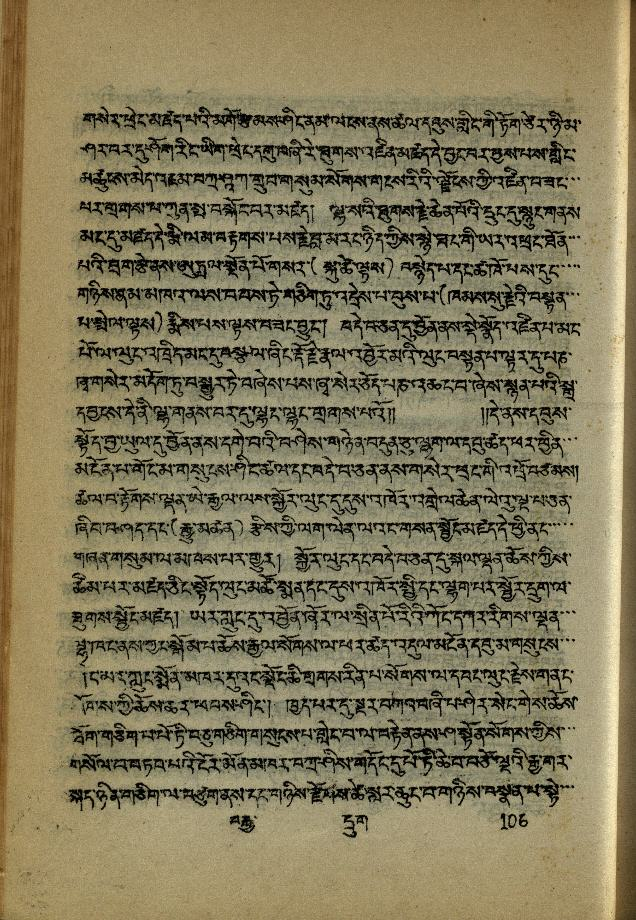གསེར་ཕྲེང་མཛད་པའི་མགོ་རྩམས་ཤིང་ནམ་ལངས་ནས་ཚལ་དབུས་གླིང་གི་ཏོག་ཙེར་ཉི་མ་
ཤར་བར་དུ་ཤོག་རིང་ཡིག་ཕྲེང་དགུ་བཞི་རེ་ཐུགས་འཛིན་མཛད་དེ་བྱང་བར་བྱས་པས་གླིང་
མཚུངས་མེད་འཇམ་བཀྲ་ཤཱཀ་གྲུབ་གསུམ་སོགས་གངས་རིའི་ལྗོངས་ཀྱི་འཛིན་བཟང་
པར་གྲགས་པ་ཀུན་སྤ་བསྐོང་བར་མཛད། ལྷ་སའི་ཐུགས་རྗེ་ཆེན་པོའི་དྲུང་དུ་སྙུང་གནས་
མང་དུ་མཛད་དེ་རྨི་ལམ་བརྟགས་པས་རྗེ་བླ་མ་རང་ཉིད་ཀྱིས་སྙེ་ཐང་གི་ཡར་འཕྲེང་ཐོན་
པའི་བྲག་རྩེ་ནས་ཨུཏྤལ་སྔོན་པོ་གསར་སྐུ་ཚེ་ལྟས་བསྙེད་པ་དང་ཚ་ཁོ་པས་དུང་
གཉིས་ནམ་མཁའ་ལས་བབས་ཏེ་གཅིག་ཏུ་འདྲེས་པ་བུས་པ་ཁམས་སུ་རྗེའི་བསྟན་
པ་སྤེལ་ལྟས་རྨིས་པས་ལྟས་བཟང་བྱུང་། བདེ་བ་ཅན་དུ་བྱོན་ནས་སྡེ་སྣོད་འཛིན་པ་མང་
པོ་ལ་ལུང་འཁྲིད་མང་དུ་བསྩལ་ཞིང་རྡོ་རྗེ་རྣལ་འབྱོར་མའི་ལུང་བསྟན་པ་ལྟར་དུ་པཎ་
ཞྭ་གསེར་མདོག་ཏུ་བསྒྱུར་ཏེ་བཞེས་པས་ཞྭ་སེར་ཅོད་པཎ་འཆང་བ་ཞེས་སྙན་པའི་སྒྲ་
དབྱངས་དེ་ནི་ལྷ་གནས་བར་དུ་ལྷང་ལྷང་གྲགས་པའོ།། །།དེ་ནས་དབུས་
སྟོད་བྱ་ཡུལ་དུ་བྱོན་ནས་དགེ་བའི་བཤེས་གཉེན་བདུན་ཅུ་ལྷག་ལ་དབུ་ཚད་ཕར་ཕྱིན་
མངོན་པ་གོང་མ་གསུངས་ཤིང་ཚལ་དང་བདེ་བ་ཅན་ནས་གསེར་ཕྲང་གི་འཕྲོ་བཙམས།
ཚལ་བ་རྟོགས་ལྡན་ཡེ་རྒྱལ་ལས་སྐྱོར་ལུང་དུ་དུས་འཁོར་འགྲེལ་ཆེན་ལེའུ་ལྔ་པ་ཅན་
ཞིབ་བཤད་དང་རྒྱུ་མཚན་རྩིས་ཀྱི་ལག་ལེན་ལའང་གསན་སྦྱོང་མཛད་དེ་ཕྱི་ནང་
གཞན་གསུམ་ལ་མཁས་པར་གྱུར། སྐྱོར་ལུང་དང་བདེ་བ་ཅན་དུ་སྐལ་ལྡན་ཆོས་ཀྱིས་
ཚིམ་པར་མཛད་ཅིང་སྟོད་ལུང་མཚོ་སྨན་དང་དུས་འཁོར་སྤྱི་དང་ལྷག་པར་སྦྱོར་དྲུག་ལ་
ཐུགས་སྦྱོང་མཛད། ཡར་ཀླུང་དུ་འབྱོན་ཞོར་ལ་སྲིན་པོ་རིའི་གོང་དཀར་རིགས་ལྡན་
ལྷ་ཁང་ནས་ཀྱང་སྒོམ་པ་ཆོས་རྒྱལ་སོགས་ལ་ཕར་ཚད་འདུལ་མངོན་དབུ་མ་གསུངས་
ཤིང་དམར་ཀླུང་སྨོན་མཁར་དུའང་སྡོང་ཆི་གྲགས་རིན་པ་སོགས་ལ་དབང་ལུང་རྗེས་གནང་
སོགས་ཀྱི་ཆོས་ཆར་ཕབས་ཤིང་། ཁྱད་པར་དུ་སྔར་བཀའ་བཞི་པ་ཤེར་སེང་གེས་ཆོས་
ཐོག?་གཅིག་པ་པོ་ཏི་བཅུ་གཅིག་གསུངས་པ་གླེང་བ་ལ་བརྟེན་ནས་ཤ་སྟོན་སོགས་ཀྱིས་
གསོལ་བ་བཏབ་པའི་ངོར་མོན་མཁར་བཀྲ་ཤིས་གདོང་དུ་པོ་ཏི་ཆེ་བ་བཅོ་ལྔའི་རྒྱ་གར་
སྐད་ཉིན་གཅིག་ལ་བཙུག་ནས་དང་གཉིས་རྫོགས་ཚེ་སླར་ཆུང་བ་གཉིས་བསྣན་པ་སྟེ་